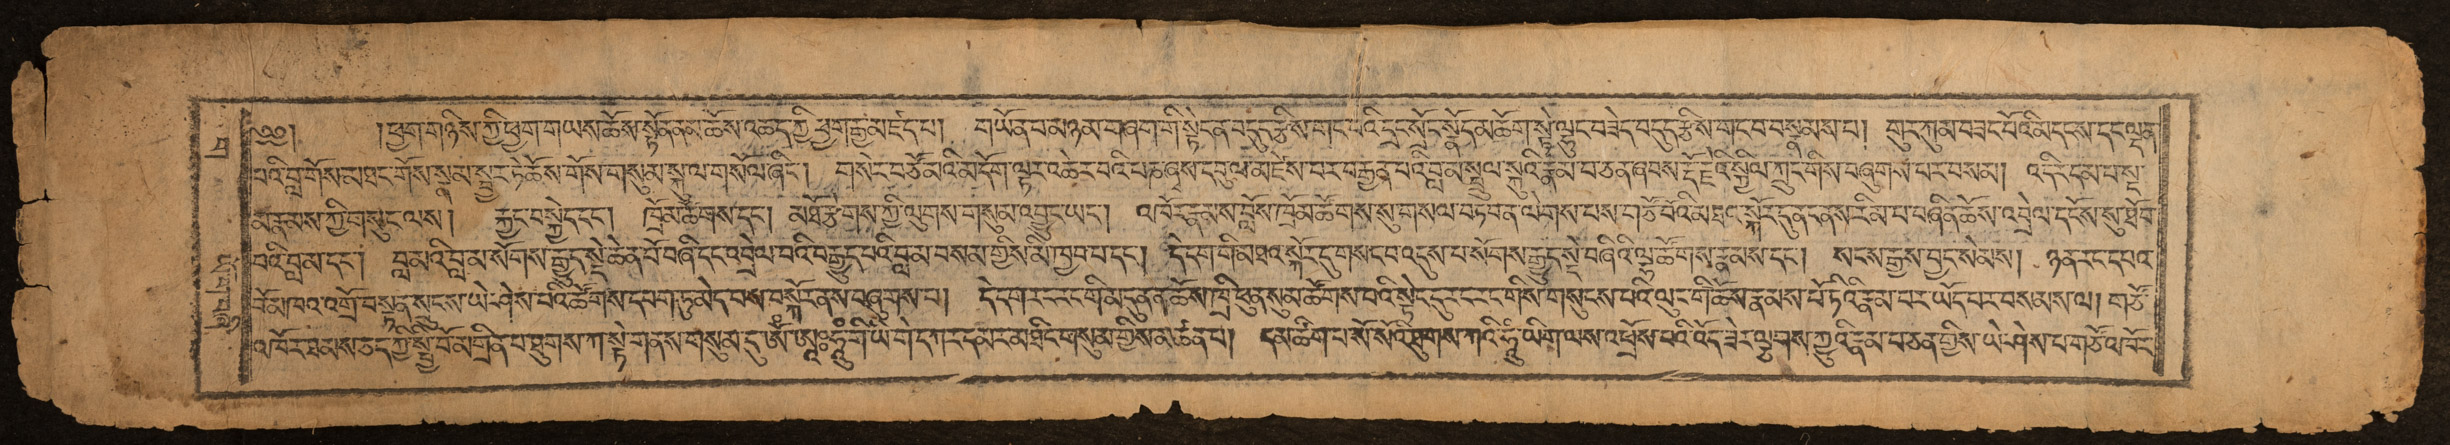༄༅། །ཕྱག་གཉིས་ཀྱི་ཕྱག་གཡས་ཆོས་སྟོན་ནམ་ཆོས་འཆད་ཀྱི་ཕྱག་རྒྱ་མཛད་པ། གཡོན་པ་མཉམ་གཞག་གི་སྟེང་ན་བདུད་རྩིས་གང་བའི་དྲང་སྲོང་སྣོད་མཆོག་སྟེ་ལྷུང་བཟེད་བདུད་རྩིས་གང་བ་བསྣམས་པ། གུར་ཀུམ་བཟང་པོའི་མདངས་དང་ལྡན་
པའི་བླ་གོས་མཐང་གོས་སྣམ་སྦྱར་ཏེ་ཆོས་གོས་གསུམ་སྐུ་ལ་གསོལ་ཞིང་། གསེར་བཙོ་མའི་མདོག་ལྟར་འཆེར་བའི་པཎ་ཞྭས་དབུ་ལ་མཛེས་པར་བརྒྱན་པའི་བླ་མ་སྤྲུལ་སྐུའི་རྣམ་པ་ཅན་ཞབས་རྡོ་རྗེའི་སྐྱིལ་ཀྲུང་གིས་བཞུགས་པར་བསམ། འདིར་དམ་པ་སྔ་
མ་རྣམས་ཀྱི་གསུང་ལས། རྐྱང་བསྐྱེད་དང་། ཁྲོམ་ཚོགས་དང་། མཐོ་རྩེགས་ཀྱི་ལུགས་གསུམ་འབྱུང་ཡང་། འཁོར་རྣམས་བློས་ཁྲོམ་ཚོགས་སུ་གསལ་བཏབ་ན་ལེགས་བས་གཙོ་བོའི་མཐའ་སྐོར་དུ་ནང་ནས་རིམ་པ་བཞིན་ཆོས་འབྲེལ་དངོས་སུ་ཐོབ་
པའི་བླ་མ་དང་། བླ་མའི་བླ་མ་སོགས་རྒྱུད་སྡེ་ཆེན་པོ་བཞི་དང་འབྲེལ་བའི་བརྒྱུད་བའི་བླ་མ་བསམ་གྱིས་མི་ཁྱབ་པ་དང་། དེ་དག་གི་མཐའ་སྐོར་དུ་གསང་བ་འདུས་པ་སོགས་རྒྱུད་སྡེ་བཞིའི་ལྷ་ཚོགས་རྣམས་དང་། སངས་རྒྱས་བྱང་སེམས། ཉན་རང་དབའ་
བོ་མཁའ་འགྲོ་བསྟན་སྲུངས་ཡེ་ཤེས་པའི་ཚོགས་དཔག་ཏུ་མེད་པས་བསྐོར་ནས་བཞུགས་པ། དེ་དག་རང་རང་གི་མདུན་ན་ཆོས་ཁྲི་ཕུན་སུམ་ཚོགས་པའི་སྟེང་དུ་རང་རང་གིས་གསུངས་པའི་ལུང་གི་ཆོས་རྣམས་པོ་ཏིའི་རྣམ་པར་ཡོད་པར་བསམས་ལ། གཙོ་
འཁོར་ཐམས་ཅད་ཀྱི་སྤྱི་བོ་མགྲིན་པ་ཐུགས་ཀ་སྟེ་གནས་གསུམ་དུ་ཨོཾ་ཨཱཿཧཱུཾ་ཡི་གེ་དཀར་དམར་མཐིང་གསུམ་གྱིས་མཚན་པ། དམ་ཚིག་པ་སོ་སོའི་ཐུགས་ཀའི་ཧཱུཾ་ཡིག་ལས་འཕྲོས་པའི་འོད་ཟེར་ལྕགས་ཀྱུའི་རྣམ་པ་ཅན་གྱིས་ཡེ་ཤེས་པ་གཙོ་འཁོར་